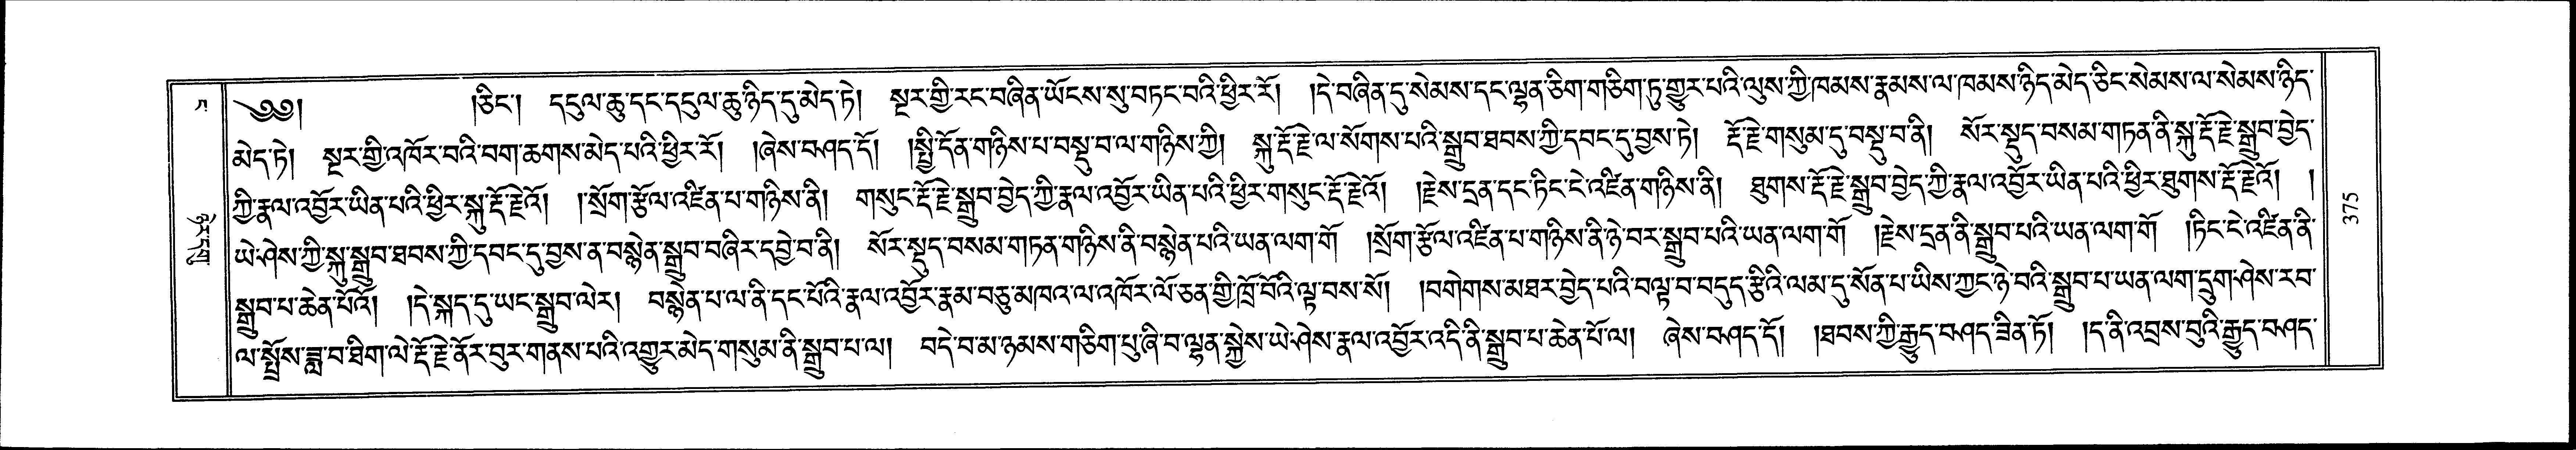༄༅། །ཅིང་། དངུལ་ཆུ་དང་དངུལ་ཆུ་ཉིད་དུ་མེད་ཏེ། སྔར་གྱི་རང་བཞིན་ཡོངས་སུ་བཏང་བའི་ཕྱིར་རོ། །དེ་བཞིན་དུ་སེམས་དང་ལྷན་ཅིག་གཅིག་ཏུ་གྱུར་པའི་ལུས་ཀྱི་ཁམས་རྣམས་ལ་ཁམས་ཉིད་མེད་ཅིང་སེམས་ལ་སེམས་ཉིད་
མེད་ཏེ། སྔར་གྱི་འཁོར་བའི་བག་ཆགས་མེད་པའི་ཕྱིར་རོ། །ཞེས་བཤད་དོ། །སྤྱི་དོན་གཉིས་པ་བསྡུ་བ་ལ་གཉིས་ཀྱི། སྐུ་རྡོ་རྗེ་ལ་སོགས་པའི་སྒྲུབ་ཐབས་ཀྱི་དབང་དུ་བྱས་ཏེ། རྡོ་རྗེ་གསུམ་དུ་བསྡུ་བ་ནི། སོར་སྡུད་བསམ་གཏན་ནི་སྐུ་རྡོ་རྗེ་སྒྲུབ་བྱེད་
ཀྱི་རྣལ་འབྱོར་ཡིན་པའི་ཕྱིར་སྐུ་རྡོ་རྗེའོ། །སྲོག་རྩོལ་འཛིན་པ་གཉིས་ནི། གསུང་རྡོ་རྗེ་སྒྲུབ་བྱེད་ཀྱི་རྣལ་འབྱོར་ཡིན་པའི་ཕྱིར་གསུང་རྡོ་རྗེའོ། །རྗེས་དྲན་དང་ཏིང་ངེ་འཛིན་གཉིས་ནི། ཐུགས་རྡོ་རྗེ་སྒྲུབ་བྱེད་ཀྱི་རྣལ་འབྱོར་ཡིན་པའི་ཕྱིར་ཐུགས་རྡོ་རྗེའོ། །
ཡེ་ཤེས་ཀྱི་སྐུ་སྒྲུབ་ཐབས་ཀྱི་དབང་དུ་བྱས་ན་བསྙེན་སྒྲུབ་བཞིར་དབྱེ་བ་ནི། སོར་སྡུད་བསམ་གཏན་གཉིས་ནི་བསྙེན་པའི་ཡན་ལག་གོ །སྲོག་རྩོལ་འཛིན་པ་གཉིས་ནི་ཉེ་བར་སྒྲུབ་པའི་ཡན་ལག་གོ །རྗེས་དྲན་ནི་སྒྲུབ་པའི་ཡན་ལག་གོ །ཏིང་ངེ་འཛིན་ནི་
སྒྲུབ་པ་ཆེན་པོའོ། །དེ་སྐད་དུ་ཡང་སྒྲུབ་ལེར། བསྙེན་པ་ལ་ནི་དང་པོའི་རྣལ་འབྱོར་རྣམ་བཅུ་མཁའ་ལ་འཁོར་ལོ་ཅན་གྱི་ཁྲོ་བོའི་ལྟ་བས་སོ། །བགེགས་མཐར་བྱེད་པའི་བལྟ་བ་བདུད་རྩིའི་ལམ་དུ་སོན་པ་ཡིས་ཀྱང་ཉེ་བའི་སྒྲུབ་པ་ཡན་ལག་དྲུག་ཤེས་རབ་
ལ་སྤྲོས་ཟླ་བ་ཐིག་ལེ་རྡོ་རྗེ་ནོར་བུར་གནས་པའི་འགྱུར་མེད་གསུམ་ནི་སྒྲུབ་པ་ལ། བདེ་བ་མ་ཉམས་གཅིག་པུ་ཞི་བ་ལྷན་སྐྱེས་ཡེ་ཤེས་རྣལ་འབྱོར་འདི་ནི་སྒྲུབ་པ་ཆེན་པོ་ལ། ཞེས་བཤད་དོ། །ཐབས་ཀྱི་རྒྱུད་བཤད་ཟིན་ཏོ། །ད་ནི་འབྲས་བུའི་རྒྱུད་བཤད་